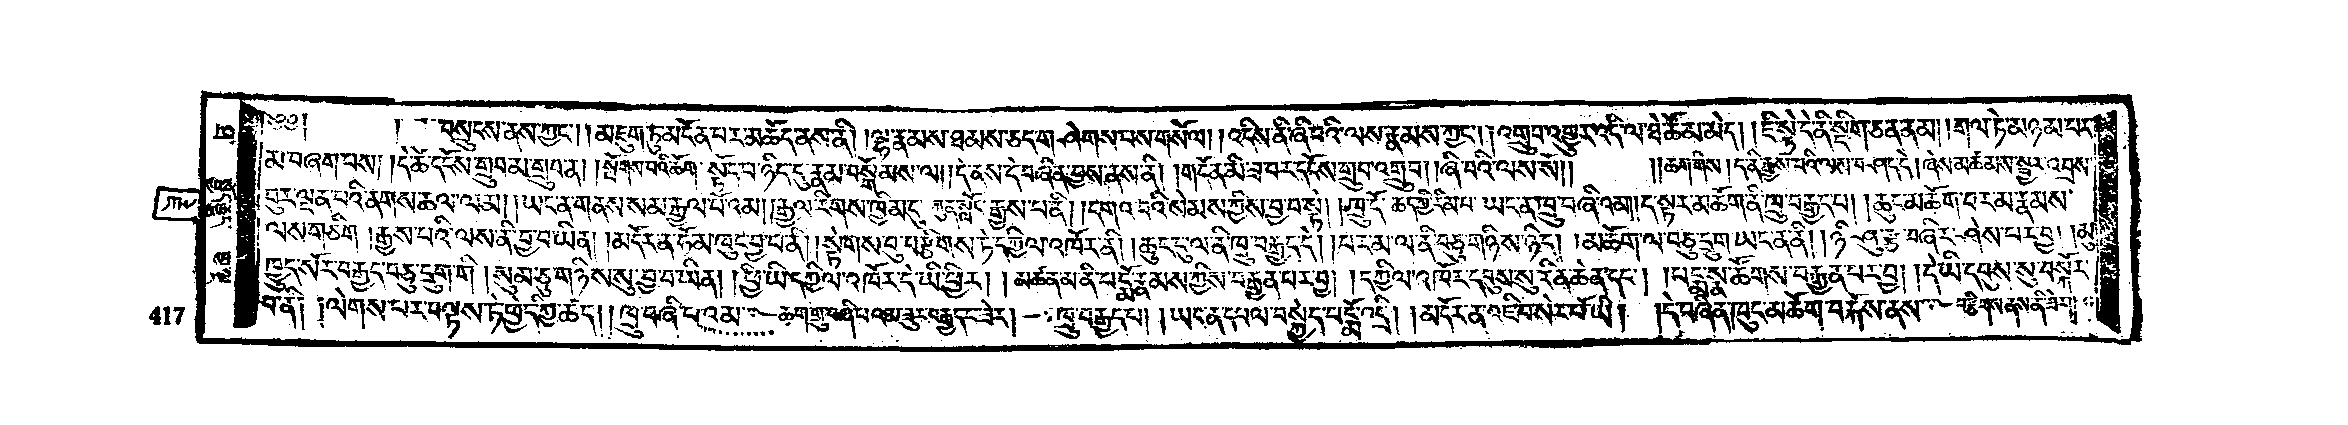༄༅། །བསྲུངས་ནས་ཀྱང་། །མཇུག་ཏུ་མངོན་པར་མཆོད་ན་ནི། །ལྷ་རྣམས་ཐམས་ཅད་གཤེགས་པས་གསོལ། །འདིས་ནི་ཞི་བའི་ལས་རྣམས་ཀྱང་། །འགྲུབ་འགྱུར་འདི་ལ་ཐེ་ཚོམ་མེད། །ཇི་སྟེ་དེ་ནི་སྡིག་ཅན་ནམ། །གལ་ཏེ་མཉམ་པར་
མ་བཞག་པས། །དེ་ཚེ་དངོས་གྲུབ་མ་གྲུབ་ན། ། སྤོགས་པའི་ཆོག་སྟོང་པ་ཉིད་དུ་རྣམ་བསྒོམས་ལ། །དེ་ནས་དེ་བཞིན་བྱས་ནས་ནི། །གདོན་མི་ཟ་བར་དངོས་གྲུབ་འགྲུབ། །ཞི་བའི་ལས་སོ།། །། ཆག་གིས། ད་ནི་རྒྱས་པའི་ལས་བཤད་དེ། ཞེས་མཚམས་སྦྱར་འབྲས་
བུར་ལྡན་པའི་ནགས་ཚལ་ལམ། །ཡང་ན་གནས་སམ་རྒྱལ་པོའམ། །རྒྱལ་རིགས་ཁྱིམ་དུ་ཀུན་སློང་རྒྱས་པ་ནི། །དགའ་བའི་སེམས་ཀྱིས་བྱ་བ་སྟེ། །ཁྲུ་དོ་ཆད་ཀྱི་རིམ་པ་ཡང་ན་ཁྲུ་བཞི་འམ། །དེ་སྟར་མཆོག་ནི་ཁྲུ་བརྒྱད་པ། །ཆུང་མཆོག་བར་མ་རྣམས་
ལས་གཅིག །རྒྱས་པའི་ལས་ནི་བྱ་བ་ཡིན། །མདོར་ན་ཧོམ་ཁུང་བྱ་བ་ནི། །སྟེགས་བུ་བརྩིགས་ཏེ་དཀྱིལ་འཁོར་ནི། །ཆུང་དུ་ལ་ནི་ཁྲུ་བརྒྱད་དེ། །པར་མ་ལ་ནི་བཅུ་གཉིས་ཉིད། །མཆོག་ལས་བཅུ་དྲུག་ཡང་ན་ནི། །ཉི་ཤུ་རྩ་བཞིར་ཤེས་པར་བྱ། །མུ་
ཁྱུད་སོར་བརྒྱད་བཅུ་དྲུག་གི། སུམ་ཅུ་གཉིས་སུ་བྱ་བ་ཡིན། །ཕྱི་ཡི་དཀྱིལ་འཁོར་དེ་ཡི་ཕྱིར། ། མཚན་མ་ནི་པདམོ་རྣམས་ཀྱིས་བརྒྱན་པར་བྱ། །དཀྱིལ་འཁོར་དབུས་སུ་རིན་ཆེན་དང་། །པདམ་སྣ་ཚོགས་བརྒྱན་པར་བྱ། །དེ་ཡི་དབུས་སུ་བསྐོར་
བ་ནི། །ལེགས་པར་བལྟས་ཏེ་ཕྱེད་ཀྱི་ཚད། །ཁྲུ་བཞི་པ་འམཿ་ཆག་ཀྲུ་བཞི་པའམ་ཟུར་བརྒྱ་དང་ཟེར།  .Hཁྲུ་བརྒྱད་པ། །ཡང་ན་དཔལ་བསྐྱེད་པདམོ་འདྲི། །མདོར་ན་འཇི་བ་སེར་པོ་ཡི། །དེ་བཞིན་ཁུང་མཆོག་བརྐོས་ནས་H.བརྩིགས་ནས་ནི་ཟེར། །.H